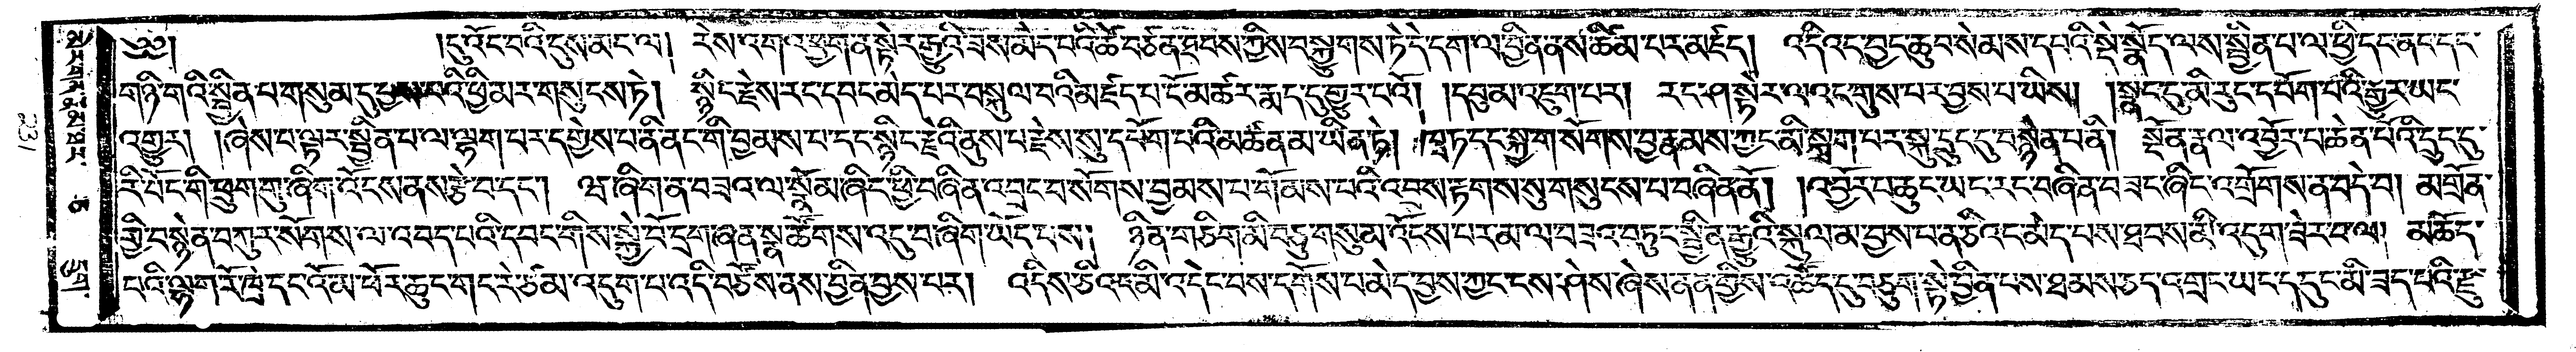༄༅། །དུ་འོང་བའི་དུས་མང་ལ། རེས་འགའ་ཕྱག་ན་སྟེར་རྒྱུའི་ཟས་མེད་པའི་ཚེ་བཙན་ཐབས་ཀྱིས་བསྐྱུགས་ཏེ་དེ་དག་ལ་བྱིན་ནས་ཚིམ་པར་མཛད། འདིའང་བྱང་ཆུབ་སེམས་དཔའི་སྡེ་སྣོད་ལས་སྦྱིན་པ་ལ་ཕྱི་དང་ནང་དང་
གཉི་གའི་སྤྱིན་པ་གསུམ་དུ་བྱས་པའི་ཕྱི་མར་གསུངས་ཏེ། སྙིང་རྗེས་རང་དབང་མེད་པར་བསྐུལ་བའི་མཛད་པ་ངོ་མཚར་རྨད་དུ་གྱུར་པའོ། །དབུ་མ་འཇུག་པར། རང་ཤ་སྟེར་ལའང་གུས་པར་བྱས་པ་ཡིས། །སྣང་དུ་མི་རུང་དཔོག་པའི་རྒྱུར་ཡང་
འགྱུར། །ཞེས་པ་ལྟར་སྤྱིན་པ་ལ་ལྷག་པར་དགྱེས་པ་ནི་ནང་གི་བྱམས་པ་དང་སྙིང་རྗེའི་ནུས་པ་རྗེས་སུ་དཔོག་པའི་མཚན་མ་ཡིན་ཏེ། ཁྭ་ཏ་དང་སྐྱ་ག་སོགས་བྱ་རྣམས་ཀྱང་མི་སྐྲག་པར་སྐུ་དྲུང་དུ་བསྙེན་པ་ནི། སྔོན་རྣལ་འབྱོར་པ་ཆེན་པོའི་དྲུང་དུ་
རི་བོང་གི་ཕྲུག་གུ་ཞིག་འོངས་ནས་རྩེ་བ་དང་། ཝ་ཞིག་ན་བཟའ་ལ་སྙོམ་ཞིང་ཕྱི་བཞིན་འབྲང་བ་སོགས་བྱམས་པ་གོམས་པའི་འབྲས་རྟགས་སུ་གསུངས་པ་བཞིན་ནོ། །འབྱོར་བ་ཆུང་ཡང་རང་བཞིན་བཟང་ཞིང་འགྲོགས་ན་བདེ་བ། མགྲོན་
གྱི་བསྟེན་བཀུར་སོགས་ལ་འབད་པའི་དབང་གིས་སྐྱེ་བོ་དྲག་གཞན་སྣ་ཚོགས་འདུ་བ་ཞིག་ཡོད་པས། ཉིན་གཅིག་མི་བཅུ་གསུམ་འོངས་པར་མ་ལ་བཟའ་བཏུང་སྤྱིན་རྒྱུའི་སྐུལ་མ་བྱས་པ་ན་ཅིའང་མེད་པས་ཐབས་མི་འདུག་ཟེར་བ་ལ། མཆོད་
བའི་ལྷག་རོ་ཁྲེ་དང་འོ་མ་ཕོར་ཆུང་གང་རེ་ཙམ་འདུག་པ་འདི་བཙོས་ནས་བྱིན་བྱས་པར། འདིས་ཅིའང་མི་འདེང་བས་དགོས་པ་མེད་བྱས་ཀྱང་ངས་ཤེས་ཞེས་ནན་གྱིས་འཚོད་དུ་བཅུག་སྟེ་བྱིན་པས་ཐམས་ཅད་འགྲང་ཡང་དངུང་མི་ཟད་པའི་རྫུ་